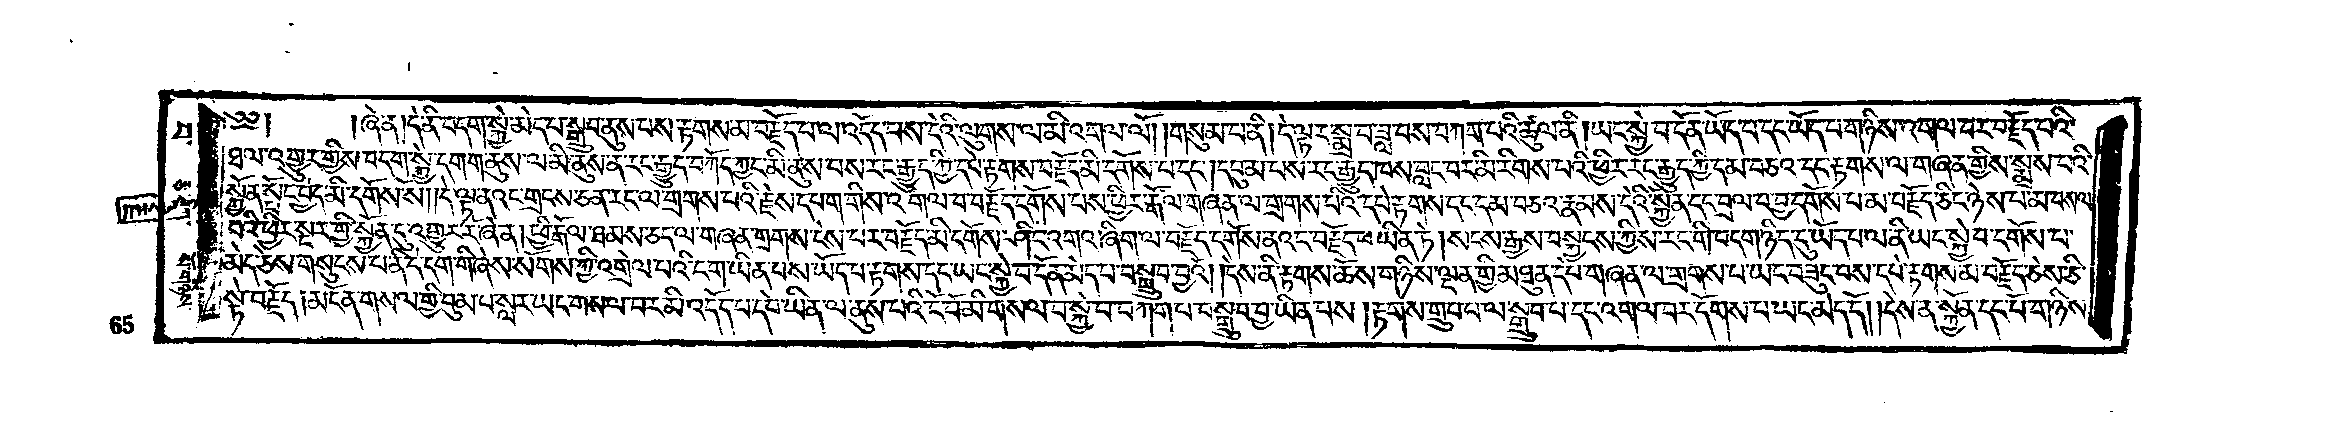༄༅། །ཞེ་ན། དེ་ནི་བདག་སྐྱེ་མེད་པ་སྒྲུབ་ནུས་པས་རྟགས་མ་བརྗོད་པ་ལ་འདོད་པས་དེའི་ལུགས་ལ་མི་འགལ་ལོ། །གསུམ་པ་ནི། དེ་ལྟར་སྨྲ་བ་ཟླ་པས་བཀག་པའི་ཚུལ་ནི། ཡང་སྐྱེ་བ་དོན་ཡོད་པ་དང་ཡོད་པ་གཉིས་འགལ་བར་བརྗོད་པའི་
ཐལ་འགྱུར་གྱིས་བདག་སྐྱེ་དགག་ནུས་ལ་མི་ནུས་ན་རང་རྒྱུད་བཀོད་ཀྱང་མི་ནུས་པས་རང་རྒྱུད་ཀྱི་དཔེ་རྟགས་བརྗོད་མི་དགོས་པ་དང་། དབུ་མ་པས་རང་རྒྱུད་ཁས་བླང་བར་མི་རིགས་པའི་ཕྱིར་རང་རྒྱུད་ཀྱི་དམ་བཅའ་དང་རྟགས་ལ་གཞན་གྱིས་སྨྲས་པའི་
སྐྱོན་སྤོང་བྱེད་མི་དགོས་སོ། །དེ་ལྟ་ནའང་གྲངས་ཅན་རང་ལ་གྲགས་པའི་རྗེས་དཔག་གིས་འགལ་བ་བརྗོད་དགོས་པས་ཕྱིར་རྒོལ་གཞན་ལ་གྲགས་པའི་དཔེ་རྟགས་དང་དམ་བཅའ་རྣམས་དེའི་སྐྱོན་དང་བྲལ་བ་བྱ་དགོས་པ་མ་བརྗོད་ཅིང་ཉེས་པ་མ་བསལ་
པའི་ཕྱིར་སྔར་གྱི་སྐྱོན་དུ་འགྱུར་རོ་ཞེ་ན། ཕྱི་རྒོལ་ཐམས་ཅད་ལ་གཞན་གྲགས་ངེས་པར་བརྗོད་མི་དགོས་ཤིང་འགའ་ཞིག་ལ་བརྗོད་དགོས་ནའང་བརྗོད་པ་ཡིན་ཏེ། སངས་རྒྱས་བསྐྱངས་ཀྱིས་རང་གི་བདག་ཉིད་དུ་ཡོད་པ་ལ་ནི་ཡང་སྐྱེ་བ་དགོས་པ་
མེད་ཅེས་གསུངས་པ་ནི་དེ་དག་གི་ཞེས་སོགས་ཀྱི་འགྲེལ་པའི་ངག་ཡིན་པས་ཡོད་པ་རྟགས་དང་ཡང་སྐྱེ་བ་དོན་མེད་པ་བསྒྲུབ་བྱའོ། །དེས་ནི་རྟགས་ཆོས་གཉིས་ལྡན་གྱི་མཐུན་དཔེ་གཞན་ལ་གྲགས་པ་ཡང་བཟུང་བས་དཔེ་རྟགས་མ་བརྗོད་ཅེས་ཅི་
སྟེ་བརྗོད། མངོན་གསལ་གྱི་བུམ་པ་སླར་ཡང་གསལ་བར་མི་འདོད་པ་དཔེ་ཡིན་ལ་ནུས་པའི་ངོ་བོ་མི་གསལ་བ་སྐྱེ་བ་བཀག་པ་བསྒྲུབ་བྱ་ཡིན་པས། རྟགས་གྲུབ་པ་ལ་སྒྲུབ་པ་དང་འགལ་བར་དོགས་པ་ཡང་མེད་དོ། །དེས་ན་སྐྱོན་དང་པོ་གཉིས་